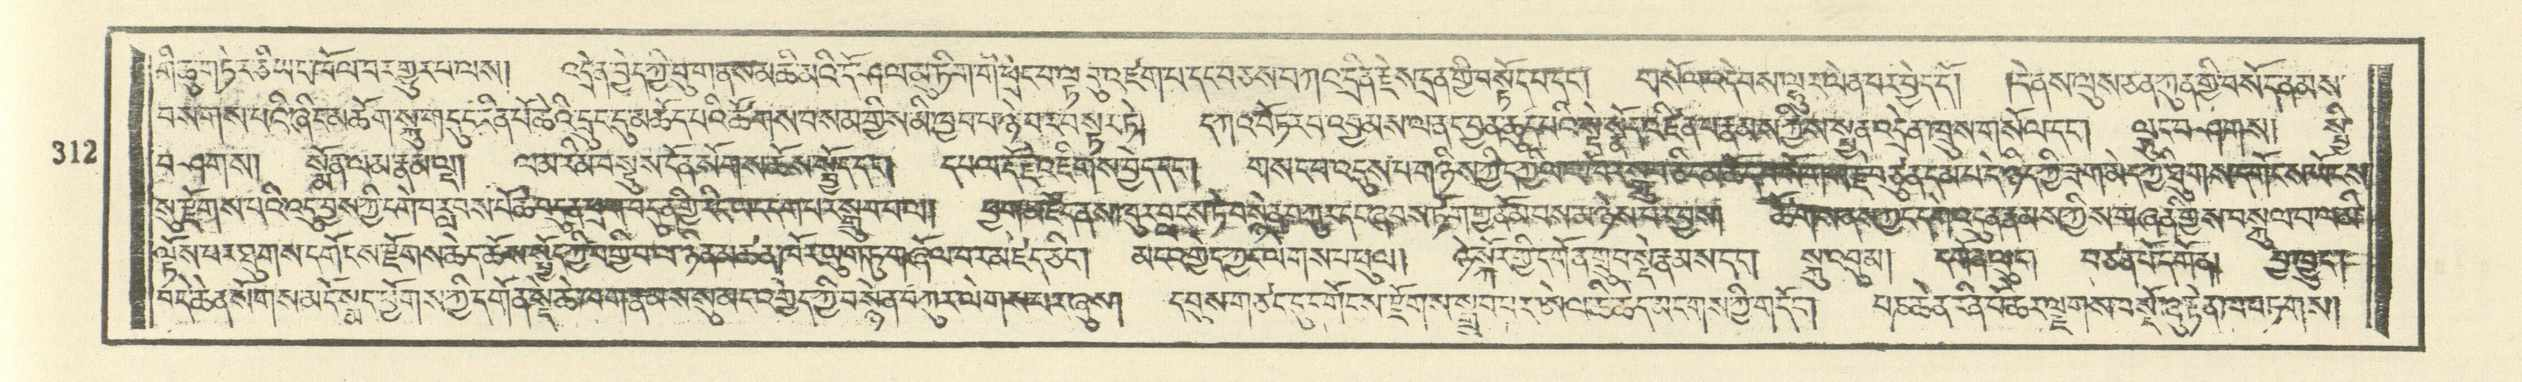གི་ཆུ་གཏེར་ཅི་ཡང་ཁོལ་བར་གྱུར་པ་ལས། འདྲེན་བྱེད་ཀྱི་བུ་གནས་མཆི་མའི་དོ་ཤལ་མུ་ཏིག་གི་ཕྲེང་བ་ལྟ་རུ་འཛག་པ་དང་བཅས་བཀའ་དྲིན་རྗེས་དྲན་གྱི་བསྟོད་པ་དང་། གསོལ་འདེབས་ལྷུར་ལེན་པར་བྱེད་དོ། །དེ་ནས་ལུས་ཅན་ཀུན་གྱི་བསོད་ནམས་
བསགས་པའི་ཞིང་མཆོག་སྐུ་གདུང་རིན་པོ་ཆེའི་དྲུང་དུ་མཆོད་པའི་ཚོགས་བསམ་གྱིས་མི་ཁྱབ་པ་ཉེ་བར་བསྟར་ཏེ། དཀའ་བོཏ་རབ་འབྱམས་ལ་ནང་བྱན་ཆུད་པའི་སྡེ་སྣོད་འཛིན་པ་རྣམས་ཀྱིས་སྤྱན་འདྲེན་ཁྲུས་གསོལ་དང་། ལྟུང་བཤགས། སྤྱི་
བཤགས། སྨོན་ལམ་རྣམ་ལྔ། ལམ་རིམ་བསྡུས་དོན་སོགས་ཆོས་སྤྱོད་དང་། དཔལ་རྡོ་རྗེ་འཇིགས་བྱེད་དང་། གསང་བ་འདུས་པ་གཉིས་ཀྱི་དཀྱིལ་འཁོར་སྒྲུབ་ཅིང་མཆོད་པ་སོགས་རྗེ་བཙུན་དམ་པ་དེ་ཉིད་ཀྱི་ཟག་མེད་ཀྱི་ཐུགས་དགོངས་ཡོངས་
སུ་རྫོགས་པའི་འདུ་བྱས་ཀྱི་དགེ་བརླབས་པོ་ཆེ་བདུན་ཕྲག་བདུན་གྱི་རིང་ཡང་དག་པར་སྒྲུབ་པ་ལ། ཕྱག་མཛོད་ནས་ཁུར་བླངས་ཏེ་བསྙེན་བཀུར་དང་ཞབས་ཏོག་གྱ་ནོམ་པས་མཉེས་བར་བྱས། ཚོགས་ནས་ཀྱང་དགེ་འདུན་རྣམས་ཀྱིས་གཞན་གྱིས་བསྐུལ་བ་ལ་མི་
ལྟོས་པར་ཐུགས་དགོངས་རྫོགས་ཆེད་ཆོས་སྤྱོད་ཀྱི་བགྱི་བ་ལ་ཉིན་མཚན་ཁོར་ཡུག་ཏུ་གཞོལ་བར་མཛད་ཅིང་། མང་འགྱེད་ཀྱང་ལེགས་པ་ཕུལ། ཉེ་སྐོར་གྱི་དགོན་གྲུབ་སྡེ་རྣམས་དང་། སྐུ་འབུམ། དགོན་ལུང་། བ་ཙན་པོ་དགོན། བྱ་ཁྱུང་།
བདེ་ཆེན་སོགས་མདོ་སྨད་ཕྱོགས་ཀྱི་དགོན་སྡེ་ཆེ་ཁག་རྣམས་སུ་མང་འགྱེད་ཀྱི་བསྙེན་བཀུར་ལེགས་པར་ཞུས། དབུས་གཙང་དུ་དགོངས་རྫོགས་སྒྲུབ་པར་ཨེལ་ཆི་ཆེད་མངགས་ཀྱི་གདོང་། པཎ་ཆེན་རིན་པོ་ཆེར་ལྗགས་བསྔོ་ཞུ་རྟེན་ཁ་བཏགས།